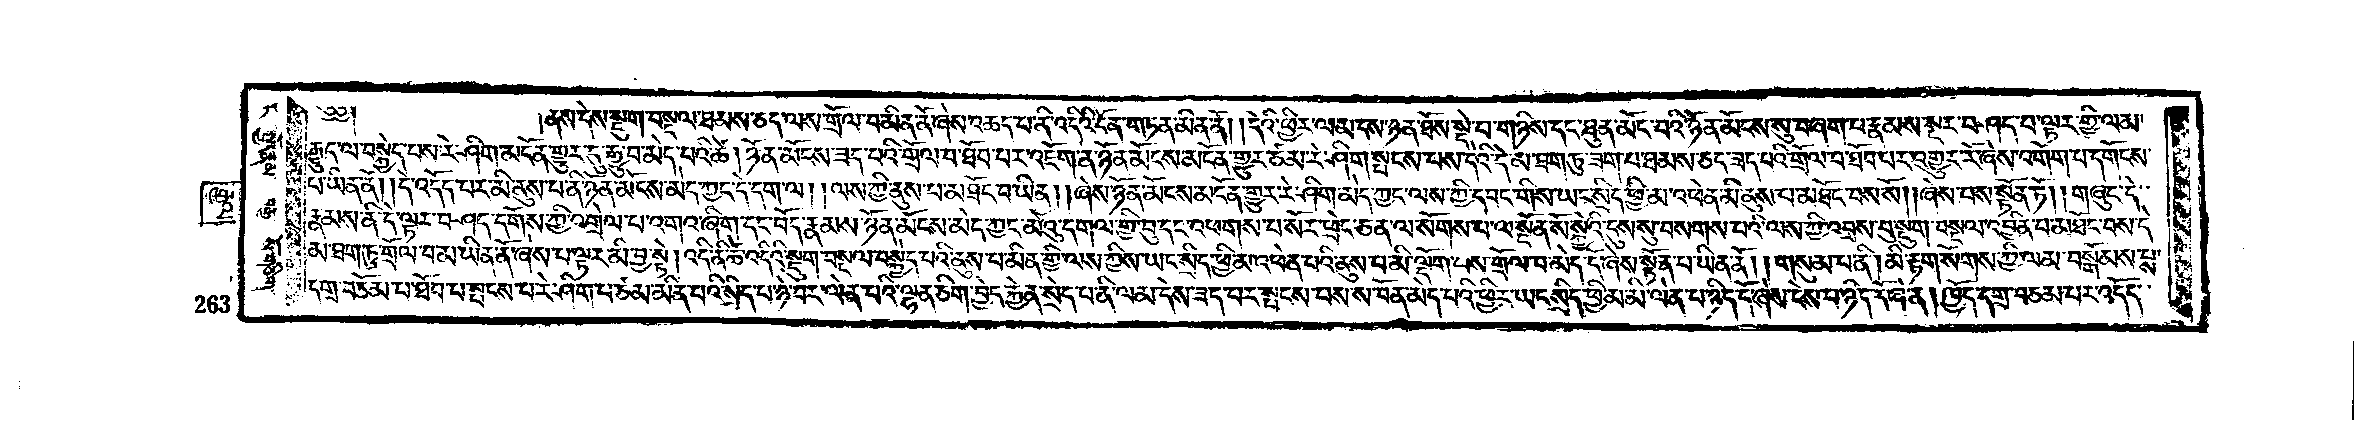༄༅། །ནས་དེས་སྡུག་བསྔལ་ཐམས་ཅད་ལས་གྲོལ་བ་མིན་ནོ་ཞེས་འཆད་པ་ནི་འདིའི་དོན་གཏན་མིན་ནོ། །དེའི་ཕྱིར་ལམ་དེས་ཉན་ཐོས་སྡེ་པ་གཉིས་དང་ཐུན་མོང་བའི་ཉོན་མོངས་སུ་བཞག་པ་རྣམས་སྔར་བཤད་པ་ལྟར་གྱི་ལམ་
རྒྱུད་ལ་ལ་བསྐྱེད་པས་རེ་ཤིག་མངོན་གྱུར་དུ་རྒྱུ་བ་མེད་པའི་ཚེ། ཉོན་མོངས་ཟད་པའི་གྲོལ་བ་ཐོབ་པར་འཇོག་ན་ཉོན་མོངས་མངོན་གྱུར་ཙམ་རེ་ཤིག་སྤངས་པས་དེའི་དེ་མ་ཐག་ཏུ་ཟག་པ་ཐམས་ཅད་ཟད་པའི་གྲོལ་བ་ཐོབ་པར་འགྱུར་རོ་ཞེས་འགོག་པ་དགོངས་
པ་ཡིན་ནོ། །དེ་འདོད་པར་མི་ནུས་པ་ནི་ཉོན་མོངས་མེད་ཀྱང་དེ་དག་ལ། །ལས་ཀྱི་ནུས་པ་མཐོང་བ་ཡིན། །ཞེས་ཉོན་མོངས་མངོན་གྱུར་རེ་ཤིག་མེད་ཀྱང་ལས་ཀྱི་དབང་གིས་ཡང་སྲིད་ཕྱི་མ་འཕེན་མི་ནུས་པ་མཐོང་བས་སོ། །ཞེས་པས་སྟོན་ཏོ། །གཞུང་དེ་
རྣམས་ནི་དེ་ལྟར་བཤད་དགོས་ཀྱི་འགྲེལ་པ་འགའ་ཞིག་དང་བོད་རྣམས་ཉོན་མོངས་མེད་ཀྱང་མེའུ་དགལ་གྱི་བུ་དང་འཕགས་པ་སོར་ཕྲེང་ཅན་ལ་སོགས་པ་ལ་སྔོན་སོ་སྐྱེའི་དུས་སུ་བསགས་པའི་ལས་ཀྱི་འབྲས་བུ་སྡུག་བསྔལ་འབྱིན་པ་མཐོང་བས་དེ་
མ་ཐག་ཏུ་གྲོལ་བ་མ་ཡིན་ནོ་ཞེས་པ་ལྟར་མི་བྱ་སྟེ། འདི་ནི་ཚེ་འདིའི་སྡུག་བསྔལ་བསྐྱེད་པའི་ནུས་པ་མིན་གྱི་ལས་ཀྱིས་ཡང་སྲིད་ཕྱི་མ་འཕེན་པའི་ནུས་པ་མི་ལྡོག་པས་གྲོལ་བ་མེད་དོ་ཞེས་སྟོན་པ་ཡིན་ནོ། །གསུམ་པ་ནི། མི་རྟག་སོགས་ཀྱི་ལམ་བསྒོམས་པས་
དགྲ་བཅོམ་པ་ཐོབ་པ་སྤངས་པ་རེ་ཤིག་པ་ཙམ་མིན་པའི་སྲིད་པ་ཉེ་བར་ལེན་པའི་ལྷན་ཅིག་བྱེད་རྐྱེན་སྲིད་པ་ནི་ལམ་དེས་ཟད་པར་སྤངས་པས་ས་བོན་མེད་པའི་ཕྱིར་ཡང་སྲིད་ཕྱི་མ་མི་ལེན་པ་ཉིད་དོ་ཞེས་ངེས་པ་ཉིད་དོ་ཞེ་ན། ཁྱོད་དགྲ་བཅོམ་པར་འདོད་